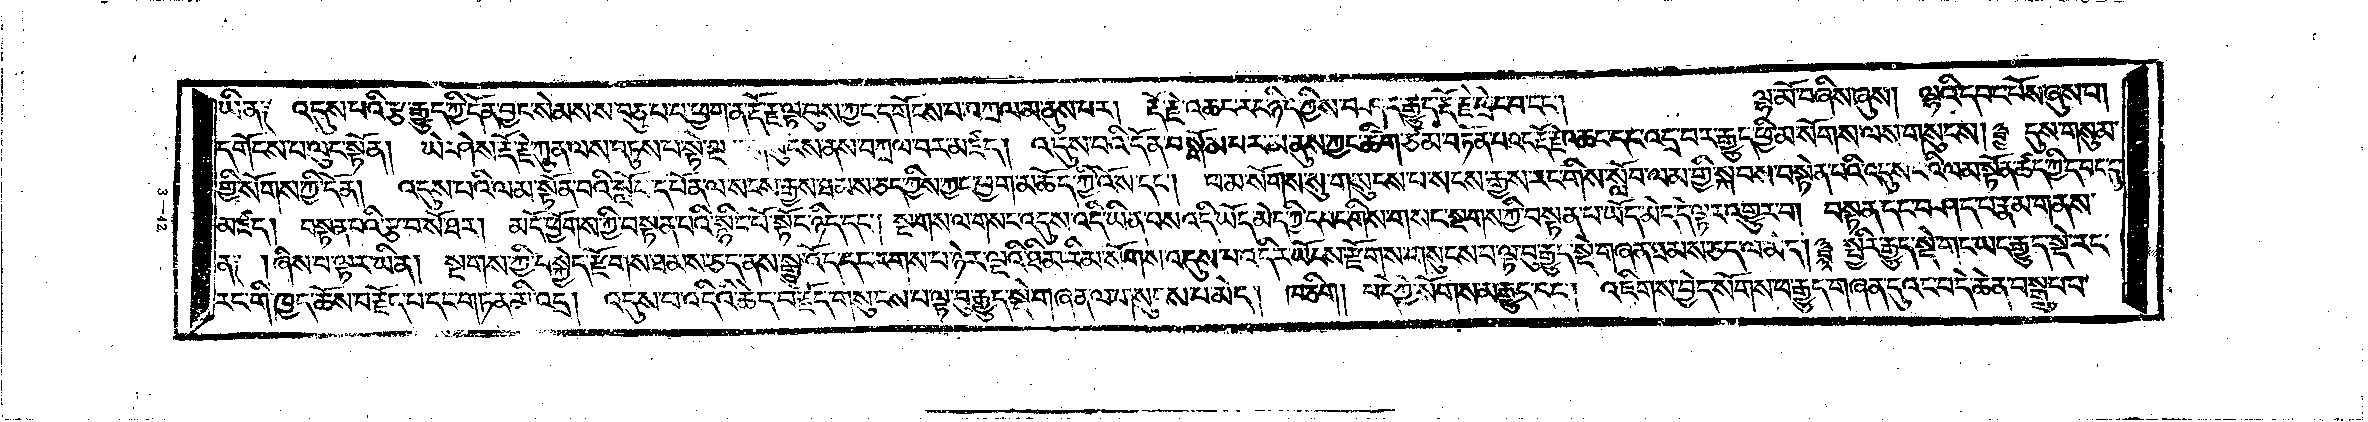ཡིན༑ འདུས་པའི་རྩ་རྒྱུད་ཀྱི་དོན་བྱང་སེམས་ས་བཅུ་པ་པ་ཕྱག་ན་རྡོ་རྗེ་ལྟ་བུས་ཀྱང་དགོངས་པ་བཀྲལ་མ་ནུས་པར། རྡོ་རྗེ་འཆང་རང་ཉིད་ཀྱིས་བཤད་རྒྱུད་རྡོ་རྗེ་ཕྲེང་བ་དང་། ལྷ་མོ་བཞིས་ཞུས། ལྷའི་དབང་པོས་ཞུས་པ།
དགོངས་པ་ལུང་སྟོན། ཡེ་ཤེས་རྡོ་རྗེ་ཀུན་ལས་བཏུས་པ་སྟེ་ལྔ་གསུངས་ནས་བཀྲལ་བར་མཛད། འདུས་པའི་དོན་བསྒོམ་པར་མ་ནུས་ཀྱང་ཚིག་ཙམ་བཏོན་པའང་རྡོ་རྗེ་འཆང་དང་འདྲ་པར་རྒྱུད་ཕྱི་མ་སོགས་ལས་གསུངས། ༢བ༤་དུས་གསུམ་
གྱི་སོགས་ཀྱི་དོན། འདུས་པའི་ལམ་སྟོན་བའི་སློང་དཔོན་ལ་སངས་རྒྱས་ཐམས་ཅད་ཀྱིས་ཀྱང་ཕྱག་མཆོད་ཀྱི་འོས་དང་། ཕ་མ་སོགས་སུ་གསུངས་པ་སངས་རྒྱས་རང་གིས་སློབ་ལམ་གྱི་སྐབས་བསྟེན་པའི་འདུས་པའི་ལམ་སྟོན་ཚད་ཀྱི་དབང་དུ་
མཛད། བསྟན་པའི་རྩ་བ་སོ་ཐར། མདོ་ཕྱོགས་ཀྱི་བསྟན་པའི་སྙིང་པོ་སྟོང་ཉིད་དང་། སྔགས་ལ་གསང་འདུས་འདི་ཡིན་པས་འདི་ཡོད་མེད་ཀྱི་དབང་གིས་གསང་སྔགས་ཀྱི་བསྟན་པ་ཡོད་མེད་དེ་ལྟར་འགྱུར་བ། བསྟན་དང་བཤད་པ་རྣམ་གནས་
ན༑ །ཞིས་པ་ལྟར་ཡིན། སྔགས་ཀྱི་བསྐྱེད་རྫོགས་ཐམས་ཅད་ནས་སྒྱུ་འོད་དང་རགས་པ་ཉེར་ལྔའི་ཐིམ་རིམ་སོགས་འདུས་པ་འདིར་ལོངས་རྫོགས་གསུངས་པ་ལྟ་བུ་རྒྱུད་སྡེ་གཞན་ཐམས་ཅད་ལ་མེད། ༣བ༣་སྤྱིར་རྒྱུད་སྡེ་གང་ཡང་རྒྱུད་སྡེ་རང་
རང་གི་ཁྱད་ཆོས་བརྗོད་པ་དང་གཏན་མི་འདྲ། འདུས་པ་འདིའི་ཆེད་བརྗོད་གསུངས་པ་ལྟ་བུ་རྒྱུད་སྡེ་གཞན་ལ་གསུངས་པ་མེད། ཁ་ཅིག། བདེ་ཀྱི་སོགས་མ་རྒྱུད་དང་། འཇིགས་བྱེད་སོགས་ཕ་རྒྱུད་གཞན་དུའང་བདེ་ཆེན་བསྒྲུབ་པ་